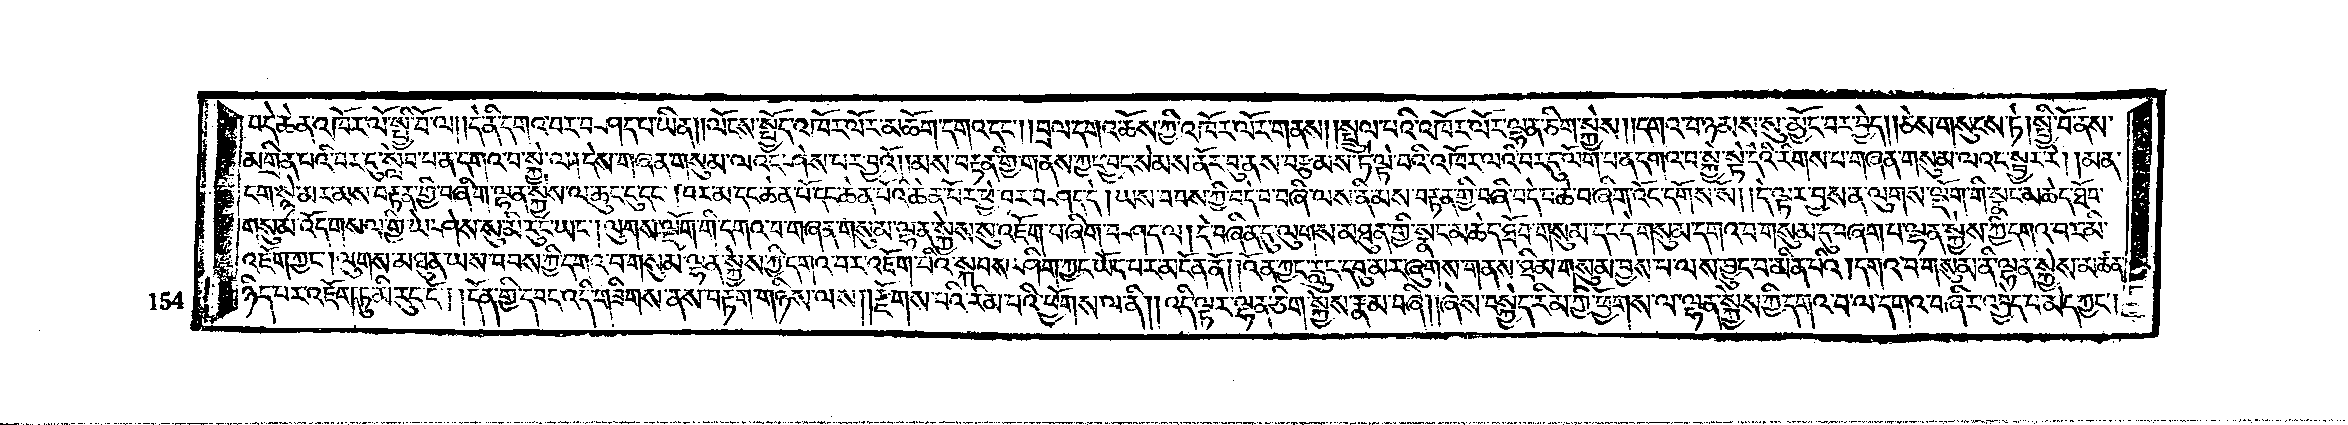བདེ་ཆེན་འཁོར་ལོ་སྤྱི་བོ་ལ། །དེ་ནི་དགའ་བར་བཤད་པ་ཡིན། །ལོངས་སྤྱོད་འཁོར་ལོར་མཆོག་དགའ་དང་། །བྲལ་དགའ་ཆོས་ཀྱི་འཁོར་ལོར་གནས། །སྤྲུལ་པའི་འཁོར་ལོར་ལྷན་ཅིག་སྐྱེས། །དགའ་བ་ཉམས་སུ་མྱོང་བར་བྱེད། །ཅེས་གསུངས་ཏེ། སྤྱི་བོ་ནས་
མགྲིན་པའི་བར་དུ་སླེབ་པ་ན་དགའ་བ་སྐྱེ་ལ། དེས་གཞན་གསུམ་ལའང་ཤེས་པར་བྱའོ། །མས་བརྟན་གྱི་གནས་ཀྱང་བྱང་སེམས་ནོར་བུ་ནས་བརྩམས་ཏེ་ལྟེ་བའི་འཁོར་ལའི་བར་དུ་ལོག་པ་ན་དགའ་བ་སྐྱེ་སྟེ་དེའི་རིགས་པ་གཞན་གསུམ་ལའང་སྦྱར་རོ། །མན་
ངག་སྙེ་མར་མས་བརྟན་གྱི་བཞི་ག་ལྷན་སྐྱེས་ལ་ཆུང་ངུ་དང་། བར་མ་དང་ཆེན་པོ་དང་ཆེན་པོའི་ཆེན་པོར་ཕྱེ་བར་བཤད་དེ། ཡས་བབས་ཀྱི་བདེ་བ་བཞི་ལས་ནི་མས་བརྟན་གྱི་བཞི་བདེ་བ་ཆེ་བ་ཞིག་འོང་དགོས་སོ། །དེ་ལྟར་བྱས་ན་ལུགས་ལྡོག་གི་སྣང་མཆེད་ཐོབ་
གསུམ་འོད་གསལ་གྱི་ཡེ་ཤེས་སུ་མི་རུང་ཡང་། ལུགས་ལྡོག་གི་དགའ་བ་གཞན་གསུམ་ལྷན་སྐྱེས་སུ་འཇོག་པ་ཞིག་བཤད་ལ། དེ་བཞིན་དུ་ལུགས་མཐུན་གྱི་སྣང་མཆེད་ཐོབ་གསུམ་དང་དེ་གསུམ་དགའ་བ་གསུམ་དུ་བཞག་པ་ལྷན་སྐྱེས་ཀྱི་དགའ་བར་མི་
འཇོག་ཀྱང་། ལུགས་མཐུན་ཡས་བབས་ཀྱི་དགའ་བ་གསུམ་ལྷན་སྐྱེས་ཀྱི་དགའ་བར་འཇོག་པའི་སྐབས་ཤིག་ཀྱང་ཡོད་པར་མངོན་ནོ། །འོན་ཀྱང་རླུང་དབུ་མར་ཞུགས་གནས་ཐིམ་གསུམ་བྱས་པ་ལས་བྱུང་བ་མིན་པའི། དགའ་བ་གསུམ་ནི་ལྷན་སྐྱེས་མཚན་
ཉིད་པར་འཇོག་ཏུ་མི་རུང་ངོ། །དོན་གྱི་དབང་འདི་གཟིགས་ནས་བརྟག་གཉིས་ལས། །རྫོགས་པའི་རིམ་པའི་ཕྱོགས་ལ་ནི། །འདི་ལྟར་ལྷན་ཅིག་སྐྱེས་རྣམ་བཞི། །ཞེས་བསྐྱེད་རིམ་གྱི་ཕྱོགས་ལ་ལྷན་སྐྱེས་ཀྱི་དགའ་བ་ལ་དགའ་བཞིར་འབྱེད་པ་མེད་ཀྱང་།